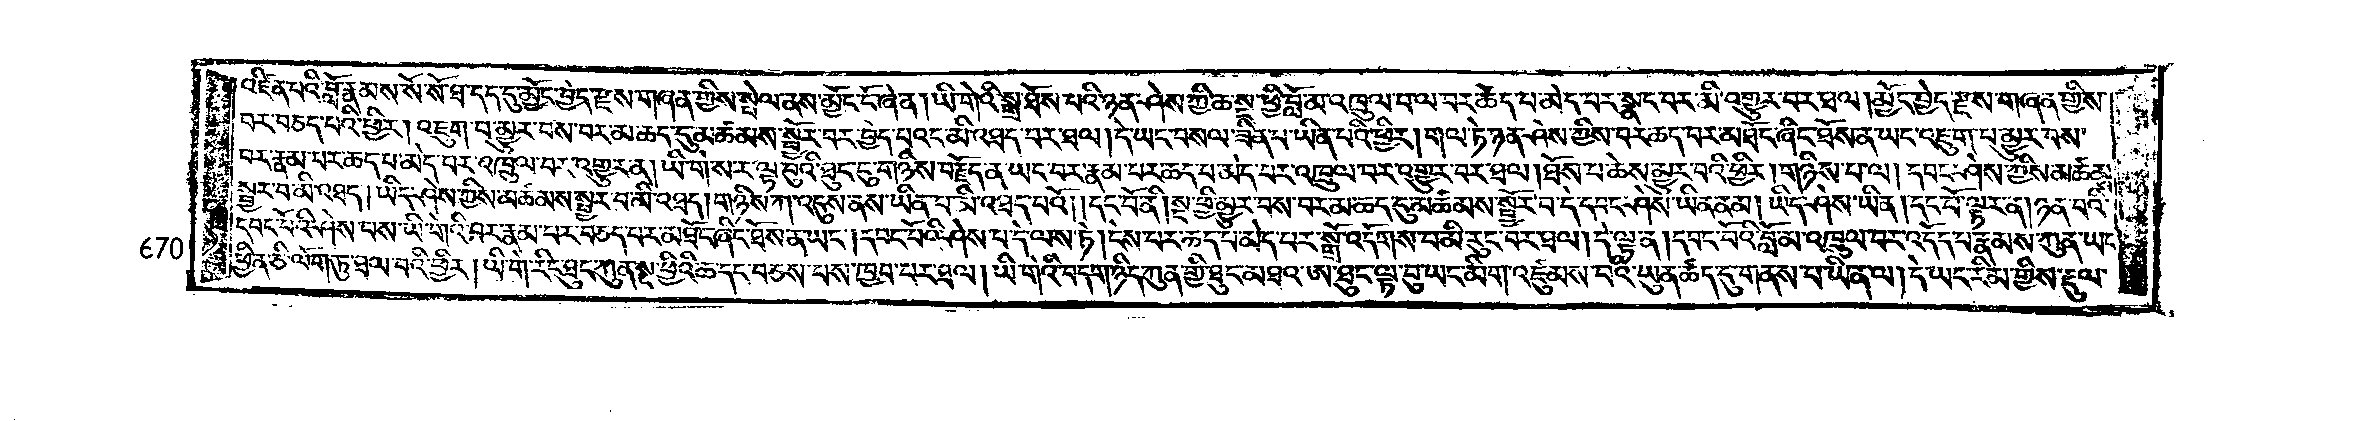འཛིན་པའི་བློ་རྣམས་སོ་སོ་ཐ་དད་དུ་མྱོང་བྱེད་རྫས་གཞན་གྱིས་སྤེལ་ནས་མྱོང་ངོ་ཞེ་ན། ཡི་གེའི་སྒྲ་ཐོས་པའི་ཉན་ཤེས་ཀྱི་ཆ་སྔ་ཕྱི་བློ་མ་འཁྲུལ་བ་ལ་བར་ཆོད་པ་མེད་པར་སྣང་བར་མི་འགྱུར་བར་ཐལ། མྱོང་བྱེད་རྫས་གཞན་གྱིས་
བར་བཅད་པའི་ཕྱིར། འཇུག་པ་མྱུར་བས་བར་མ་ཚད་དུ་མཚམས་སྦྱོར་བར་བྱེད་པའང་མི་འཐད་པར་ཐལ། དེ་ཡང་བསལ་ཟིན་པ་ཡིན་པའི་ཕྱིར། གལ་ཏེ་ཉན་ཤེས་ཀྱིས་བར་ཆད་པར་མཐོང་ཞིང་ཐོས་ན་ཡང་འཇུག་པ་མྱུར་བས་
བར་རྣམ་པར་ཚད་པ་མེད་པར་འཁྲུལ་བར་འགྱུར་ན། ཡི་གེ་ས་ར་ལྟ་བུའི་ཐུང་ངུ་གཉིས་བརྗོད་ན་ཡང་བར་རྣམ་པར་ཚད་པ་མེད་པར་འཁྲུལ་བར་འགྱུར་བར་ཐལ། ཐོས་པ་ཆེས་མྱུར་བའི་ཕྱིར། གཉིས་པ་ལ། དབང་ཤེས་ཀྱིས་མཚམས་
སྦྱམ་བ་མི་འཐད། ཡིད་ཤེས་ཀྱིས་མཚམས་སྦྱར་བ་མི་འཐད། གཉིས་ཀ་འདུས་ནས་ཡིན་པ་མི་འཐད་པའོ། །དང་པོ་ནི། སྔ་ཕྱི་མྱུར་བས་བར་མ་ཚད་དུ་མཚམས་སྦྱོར་བ་དེ་དབང་ཤེས་ཡིན་ནམ། ཡིད་ཤེས་ཡིན། དང་པོ་ལྟར་ན། ཉན་པའི་
དབང་པོའི་ཤེས་པས་ཡི་གེའི་པར་རྣམ་པར་བཅད་པར་མཐོང་ཞིང་ཐོས་ན་ཡང་། དབང་པོའི་ཤེས་པ་དེ་ལས་ཏེ། ངེས་པར་ཚད་པ་མེད་པར་སྒྲོ་འདོགས་པ་མི་རུང་བར་ཐལ། དེ་ལྟ་ན། དབང་པོའི་བློ་མ་འཁྲུལ་བར་འདོད་པ་རྣམས་ཀུན་ཡང་
ཕྱིན་ཅི་ལོག་ཏུ་ཐལ་བའི་ཕྱིར། ཡི་གེ་རིང་ཐུང་ཀུན་ལྔ་ཕྱིའི་ཆ་དང་བཅས་པས་ཁྱབ་པར་ཐལ། ཡི་གེའི་བདག་ཉིད་ཀུན་གྱི་ཐུང་མཐའ་ཨ་ཐུང་ལྟ་བུ་ཡང་མིག་འཛུམས་པའི་ཡུན་ཚད་དུ་གནས་པ་ཡིན་ལ། དེ་ཡང་རིམ་གྱིས་རྡུལ་